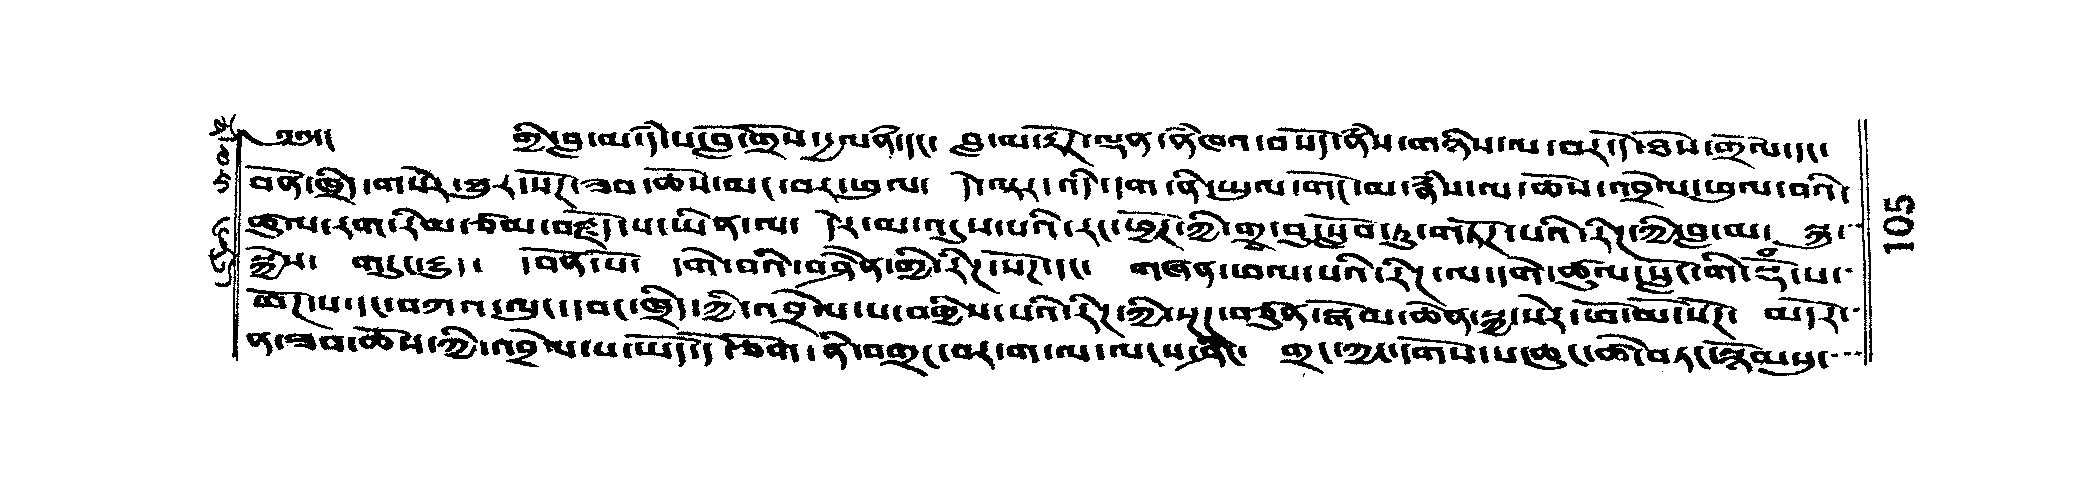གྱི་བླ་མ་དམ་པ་བློ་གྲོས་རྒྱལ་མཚན་དང་། བླ་མ་རྟོགས་ལྡན་ནམ་མཁའ་བསོད་ནམས་གཉིས་ལ་བར་དོ་ཐོས་གྲོལ་དང་། 
བོན་ཁྲིད་གསེར་ཐུར་སོགས་ཟབ་ཆོས་མང་བར་ཕུལ། དེ་ལྟར་འདི་དག་ནི་ཡུལ་གོང་མ་རྣམས་ལ་ཆོས་འབྲེལ་ཕུལ་བའི་
ཚུལ་རགས་རིམ་ཙམ་བརྗོད་པ་ཡིན་ལ། དེར་མ་འདུས་པའི་རང་ཕྱོགས་ཀྱི་གྲྭ་བུ་སློབ་ཏུ་གཏོགས་པའི་རིགས་ཀྱི་བླ་མ། སྐུ་
སྐྱེས། གདུང་རྒྱུད། དབོན་པོ། དགེ་བའི་བཤེས་གཉེན་གྱི་རིགས་སོགས་དང་། གཞན་ཕལ་པའི་རིགས་ལ་དགེ་ཚུལ་སློང་གི་སྡོམ་པ་
ཕོགས་པ་དང་བཀའ་ལུང་དབང་ཁྲིད་ཀྱི་འབྲེལ་པ་བགྱིས་པའི་རིགས་ཀྱི་སྔགས་བཙུན་སྒོམ་ཆེན་སྐྱ་སེར་ཕོ་མོ་སོགས། མདོར་
ན་ཟབ་ཆོས་ཀྱི་འབྲེལ་པ་ཡོད་དོ་ཅོག་ནི་བགྲང་བར་ག་ལ་ལངས་ཤིང་། བགྲངས་ཀྱང་དགོས་པ་ཆུང་ཚེ་བཏང་སྙོམས་སུ་